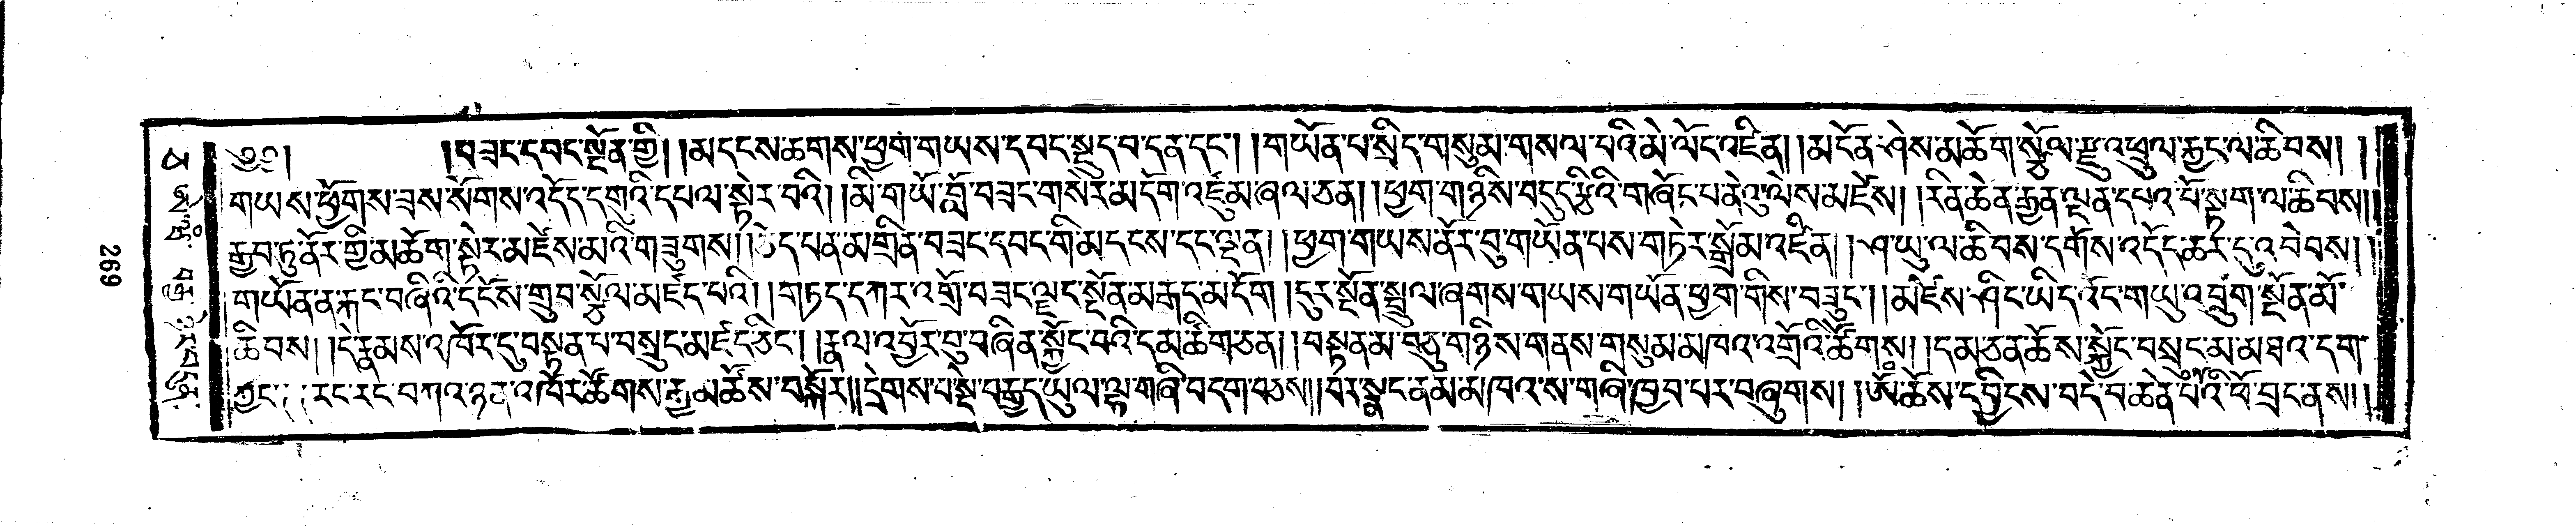༄༅། །བཟང་དབང་སྔོན་གྱི། །མདངས་ཆགས་ཕྱག་གཡས་དབང་སྡུད་བ་དན་དང་། །གཡོན་པ་སྲིད་གསུམ་གསལ་བའི་མེ་ལོང་འཛིན། །མངོན་ཤེས་མཆོག་སྩོལ་རྫུ་འཕྲུལ་རྐྱང་ལ་ཆིབས། ། གཡས་ཕྱོགས་ཟས་སོགས་འདོད་དགུའི་དཔལ་སྟེར་བའི། །མི་གཡོ་བློ་བཟང་གསེར་མདོག་འཛུམ་ཞལ་ཅན། །ཕྱག་གཉིས་བདུད་རྩིའི་གཞོང་པ་ནེའུ་ལེས་མཛེས། །རིན་ཆེན་རྒྱན་ལྡན་དཔའ་བོ་སྟག་ལ་ཆིབས། །
རྒྱབ་ཏུ་ནོར་གྱི་མཆོག་སྟེར་མཛེས་མའི་གཟུགས། །ཅོད་པན་མགྲིན་བཟང་དབང་གི་མདངས་དང་ལྡན། །ཕྱག་གཡས་ནོར་བུ་གཡོན་པས་གཏེར་སྒྲོམ་འཛིན། །ཤ་ཡུ་ལ་ཆིབས་དགོས་འདོད་ཆར་དུ་འབེབས། །
གཡོན་ན་རྐང་བཞིའི་དངོས་གྲུབ་སྩོལ་མཛད་པའི། །གཏད་དཀར་འགྲོ་བཟང་ལྗང་སྔོན་མ་རྒད་མདོག །དུར་སྔོན་སྦྲུལ་ཞགས་གཡས་གཡོན་ཕྱག་གིས་བཟུང་། །མཛེས་ཤིང་ཡིད་འོང་གཡུ་འབྲུག་སྔོན་མོ་
ཆིབས། །དེ་རྣམས་འཁོར་དུ་བསྟན་པ་བསྲུང་མཛད་ཅིང་། །རྣལ་འབྱོར་བུ་བཞིན་སྐྱོང་བའི་དམ་ཚིག་ཅན། །བསྟན་མ་བཅུ་གཉིས་གནས་གསུམ་མཁའ་འགྲོའི་ཚོགས། །དམ་ཅན་ཆོས་སྐྱོང་བསྲུང་མ་མཐའ་དག་
ཀྱང༑ ༑རང་རང་བཀའ་ཉན་འཁོར་ཚོགས་རྒྱ་མཚོས་བསྐོར། །དྲེགས་པ་སྡེ་བརྒྱད་ཡུལ་ལྷ་གཞི་བདག་བཅས། །བར་སྣང་ནམ་མཁའ་ས་གཞི་ཁྱབ་པར་བཞུགས། །ཨོཾ་ཆོས་དབྱིངས་བདེ་བ་ཆེན་པོའི་ཕོ་བྲང་ནས། །